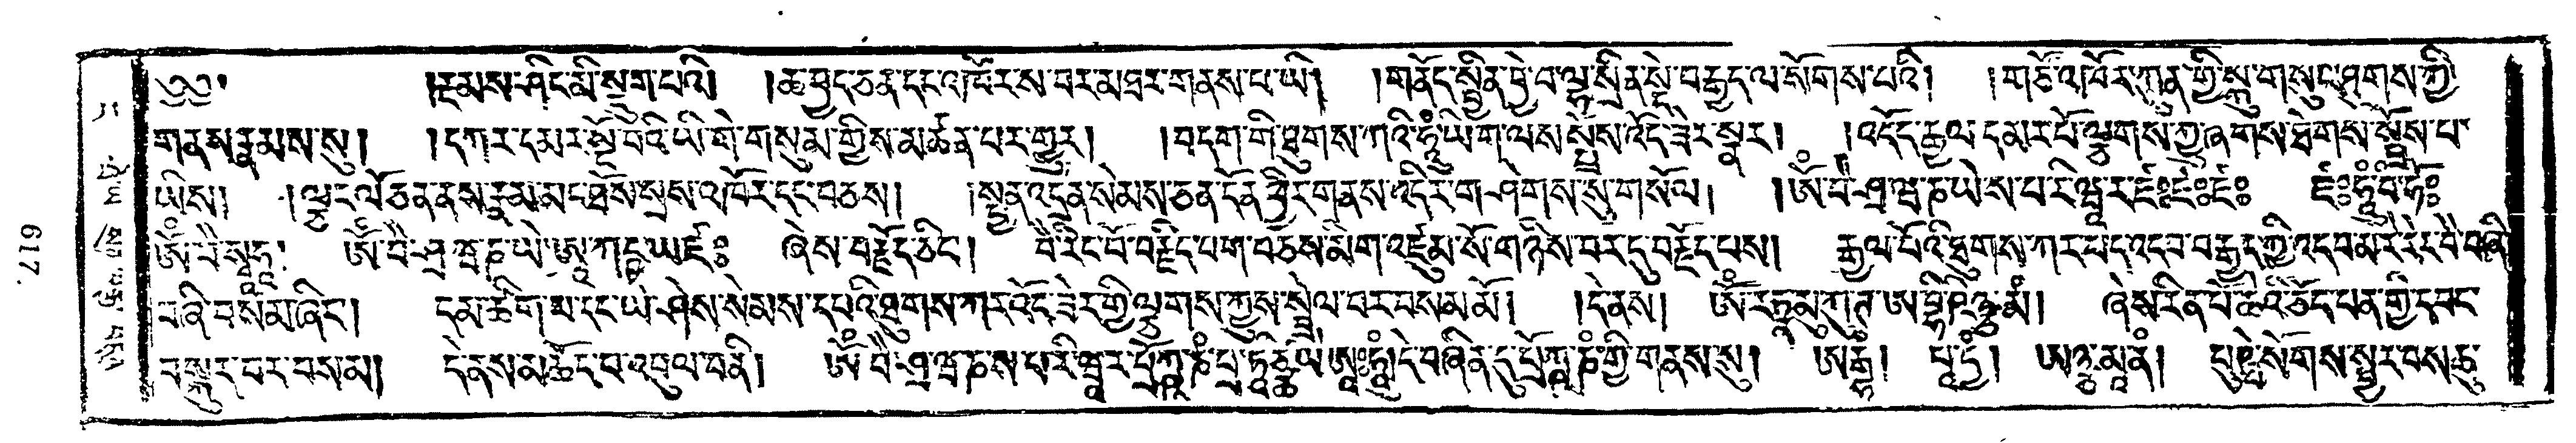༄༅། །རྔམས་ཤིང་མི་སྡུག་པའི། །ཆ་བྱད་ཅན་དང་འཁོར་ས་བར་མཐར་གནས་པ་ཡི། །གནོད་སྦྱིན་བྱེ་བ་ལྷ་སྲིན་སྡེ་བརྒྱད་ལ་སོགས་པའི། །གཙོ་འཁོར་ཀུན་གྱི་སྐུ་གསུང་ཐུགས་ཀྱི་
གནས་རྣམས་སུ། །དཀར་དམར་སྔོ་བའི་ཡི་གེ་གསུམ་གྱིས་མཚན་པར་གྱུར། །བདག་གི་ཐུགས་ཀའི་ཧཱུཾ་ཡིག་ལས་སྤྲོས་འོད་ཟེར་སྣར། །འདོད་རྒྱལ་དམར་པོ་ལྕགས་ཀྱུ་ཞགས་ཐེགས་སྤྲོས་པ་
ཡིས། །ལྕང་ལོ་ཅན་ནས་རྣམ་མང་ཐོས་སྲས་འཁོར་དང་བཅས། །སྤྱན་འདྲེན་སེམས་ཅན་དོན་ཕྱིར་གནས་འདིར་གཤེགས་སུ་གསོལ། །ཨོཾ་བཻ་ཤྲ་ཝ་ཎ་ཡེ་ས་པ་རི་ཝཱ་ར་ཛཿཛཿཛཿ ཛཿ ཧཱུཾ་བཾ་ཧོཿ
ཨོཾ་བཻ་སྭཱཧཱ། ཨོཾ་བཻ་ཤྲ་ཝ་ཎ་ཡེ་ཨཱ་ཀདྵ་ཡཛཿ ཞེས་བརྗོད་ཅིང་། བཻ་རིང་པོ་བརྗིད་བག་བཅས་མིག་འཛུམ་སོ་གཉིས་བར་དུ་བརྗོད་པས། རྒྱལ་པོའི་ཐུགས་ཀར་པད་འདབ་བརྒྱད་ཀྱི་འདབ་མ་རེ་རེར་བཻ་བཞི་
བཞི་བསམ་ཞིང་། དམ་ཚིག་པ་དང་ཡེ་ཤེས་སེམས་དཔའི་ཐུགས་ཀར་འོད་ཟེར་གྱི་ལྕགས་ཀྱུས་སྦྲེལ་བར་བསམ་མོ། །དེ་ནས། ཨོཾ་རཏྣ་མུ་ཀུ་ཊ་ཨ་བྷི་ཥིཉྩ་མཾ། ཞེས་རིན་པོ་ཆེའི་ཅོད་པན་གྱི་དབང་
བསྐུར་བར་བསམ། དེ་ནས་མཆོད་པ་འབུལ་བ་ནི། ཨོཾ་བཻ་ཤྲ་ཝ་ཎ་ས་པ་རི་ཝཱ་ར་པྲོཀྵ་ཎཾ་པྲ་ཏཱིཙྪ་ཡེ་ཨཱཿཏཱུཾ། དེ་བཞིན་དུ་པྲོཀྵ་ཎཾ་གྱི་གནས་སུ། ཨརྒྷཾ། པཱ་དྱཾ། ཨཉྩ་མཱ་ནཾ། པུཥྤེ་སོགས་སྦྱར་བས་ཆུ་